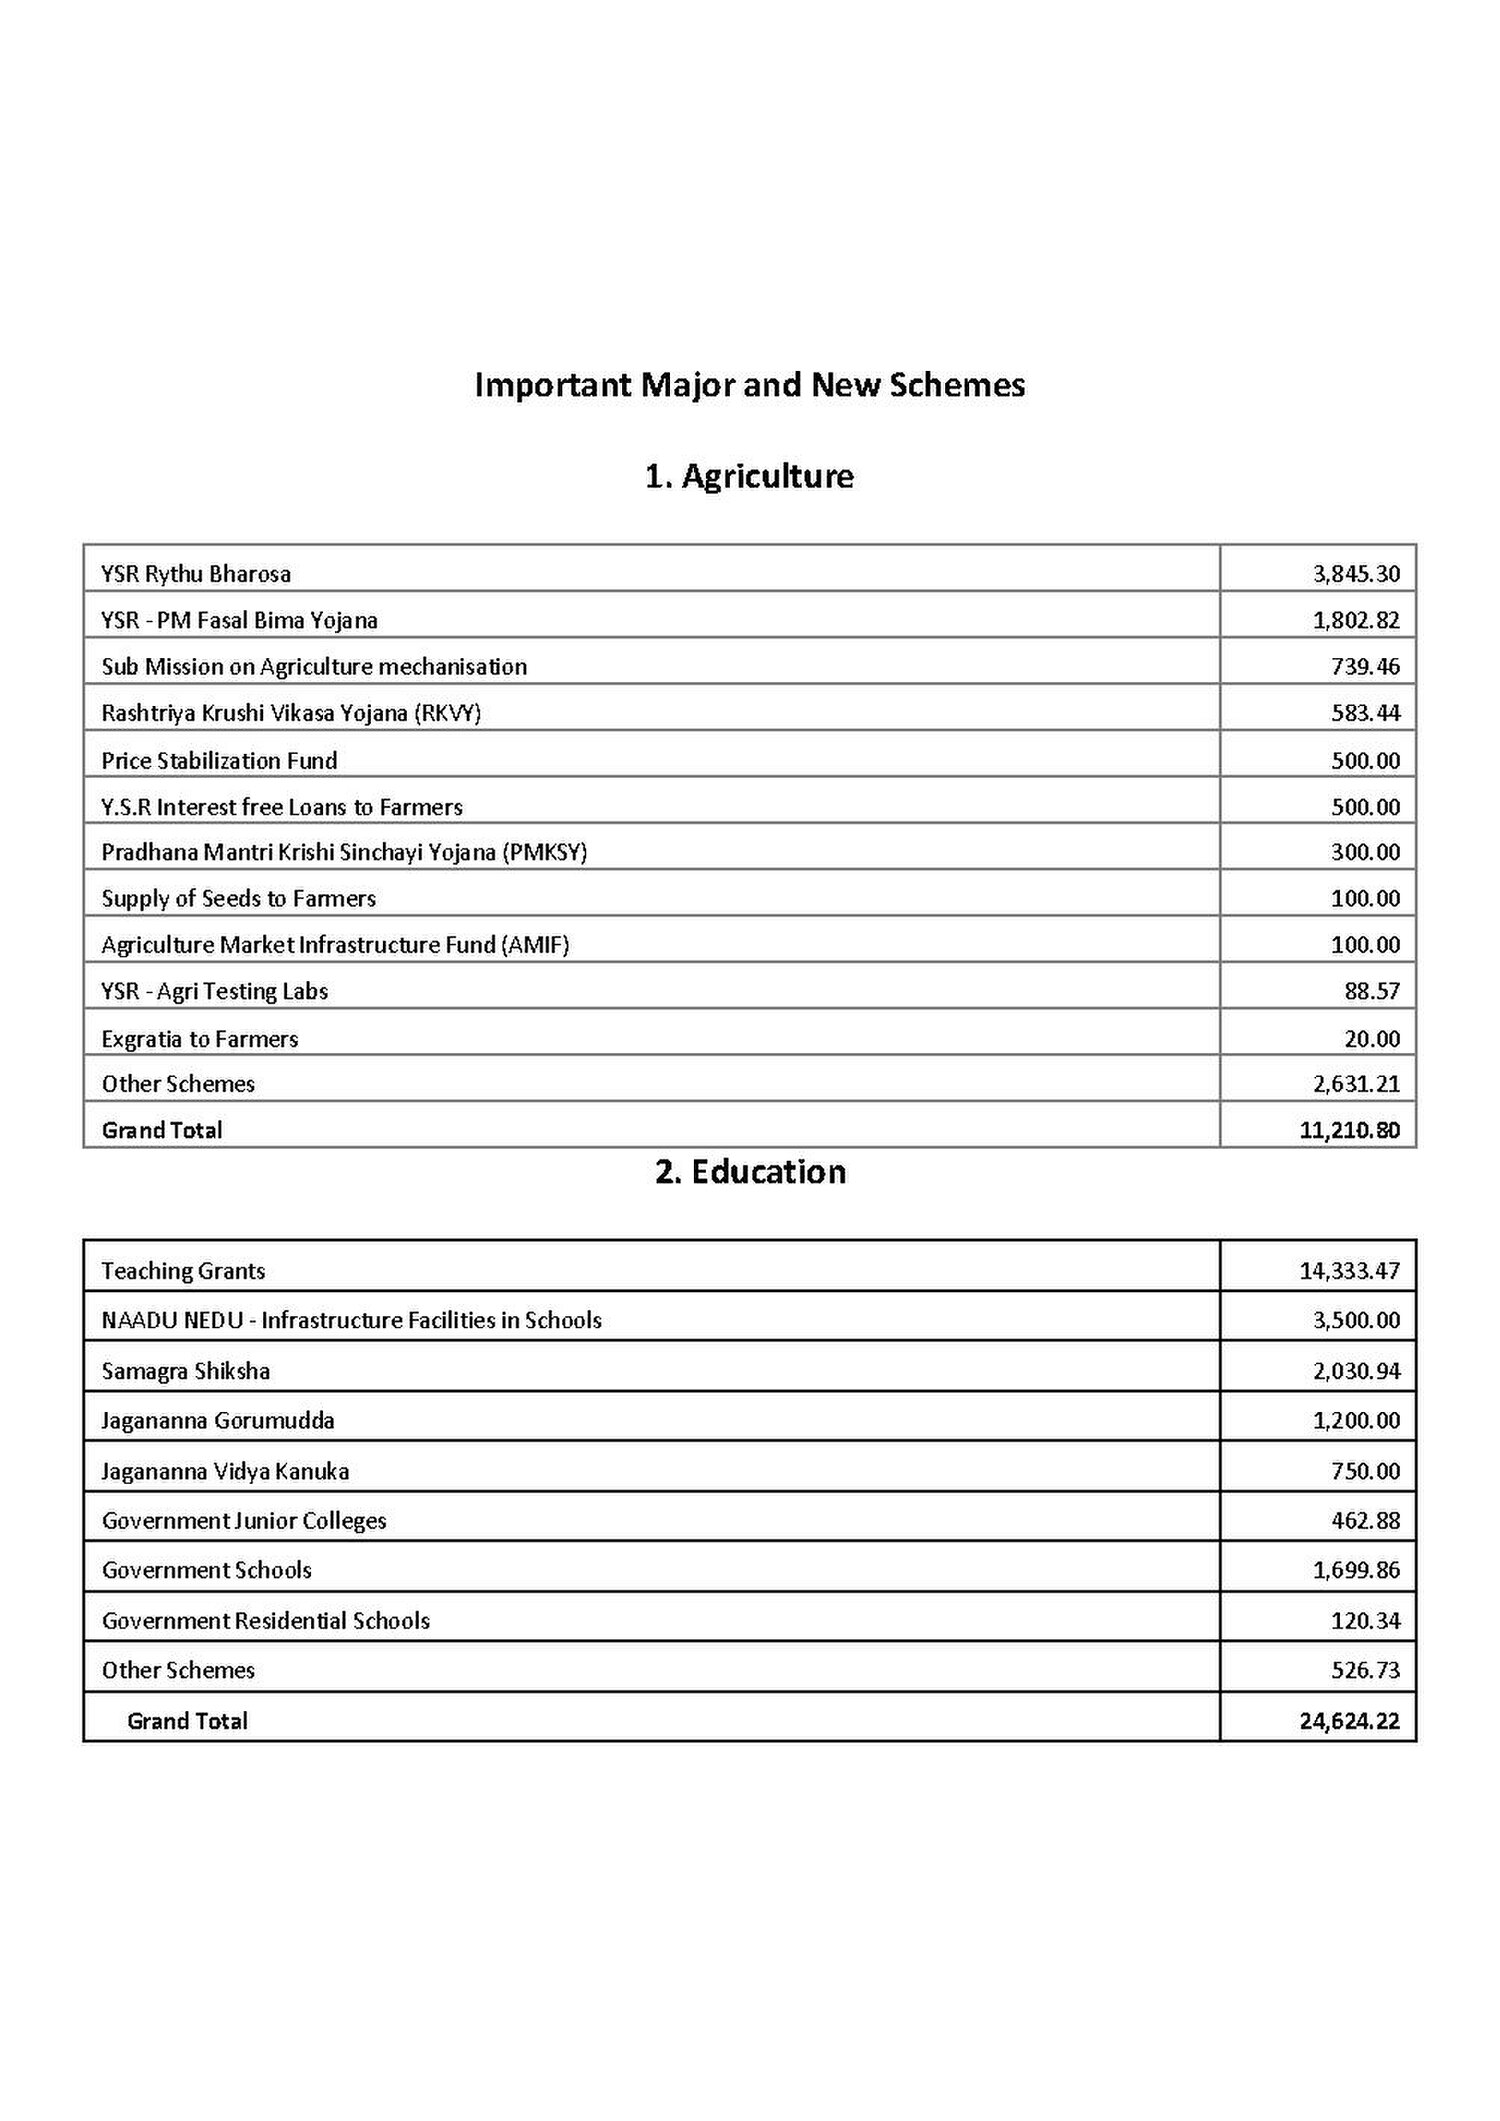Important Major and New Schemes

1. Agriculture

 YSR Rythu Bharosa 3,845.30 YSR ­ PM Fasal Bima Yojana 1,802.82 Sub Mission on Agriculture mechanisation 739.46 Rashtriya Krushi Vikasa Yojana (RKVY) 583.44 Price Stabilization Fund 500.00 Y.S.R Interest free Loans to Farmers 500.00 Pradhana Mantri Krishi Sinchayi Yojana (PMKSY) 300.00 Supply of Seeds to Farmers 100.00 Agriculture Market Infrastructure Fund (AMIF) 100.00 YSR ­ Agri Testing Labs 88.57 Exgratia to Farmers 20.00 Other Schemes 2,631.21 Grand Total 11,210.80

2. Education

 Teaching Grants 14,333.47 NAADU NEDU ­ Infrastructure Facilities in Schools 3,500.00 Samagra Shiksha 2,030.94 Jagananna Gorumudda 1,200.00 Jagananna Vidya Kanuka 750.00 Government Junior Colleges 462.88 Government Schools 1,699.86 Government Residential Schools 120.34 Other Schemes 526.73 Grand Total 24,624.22